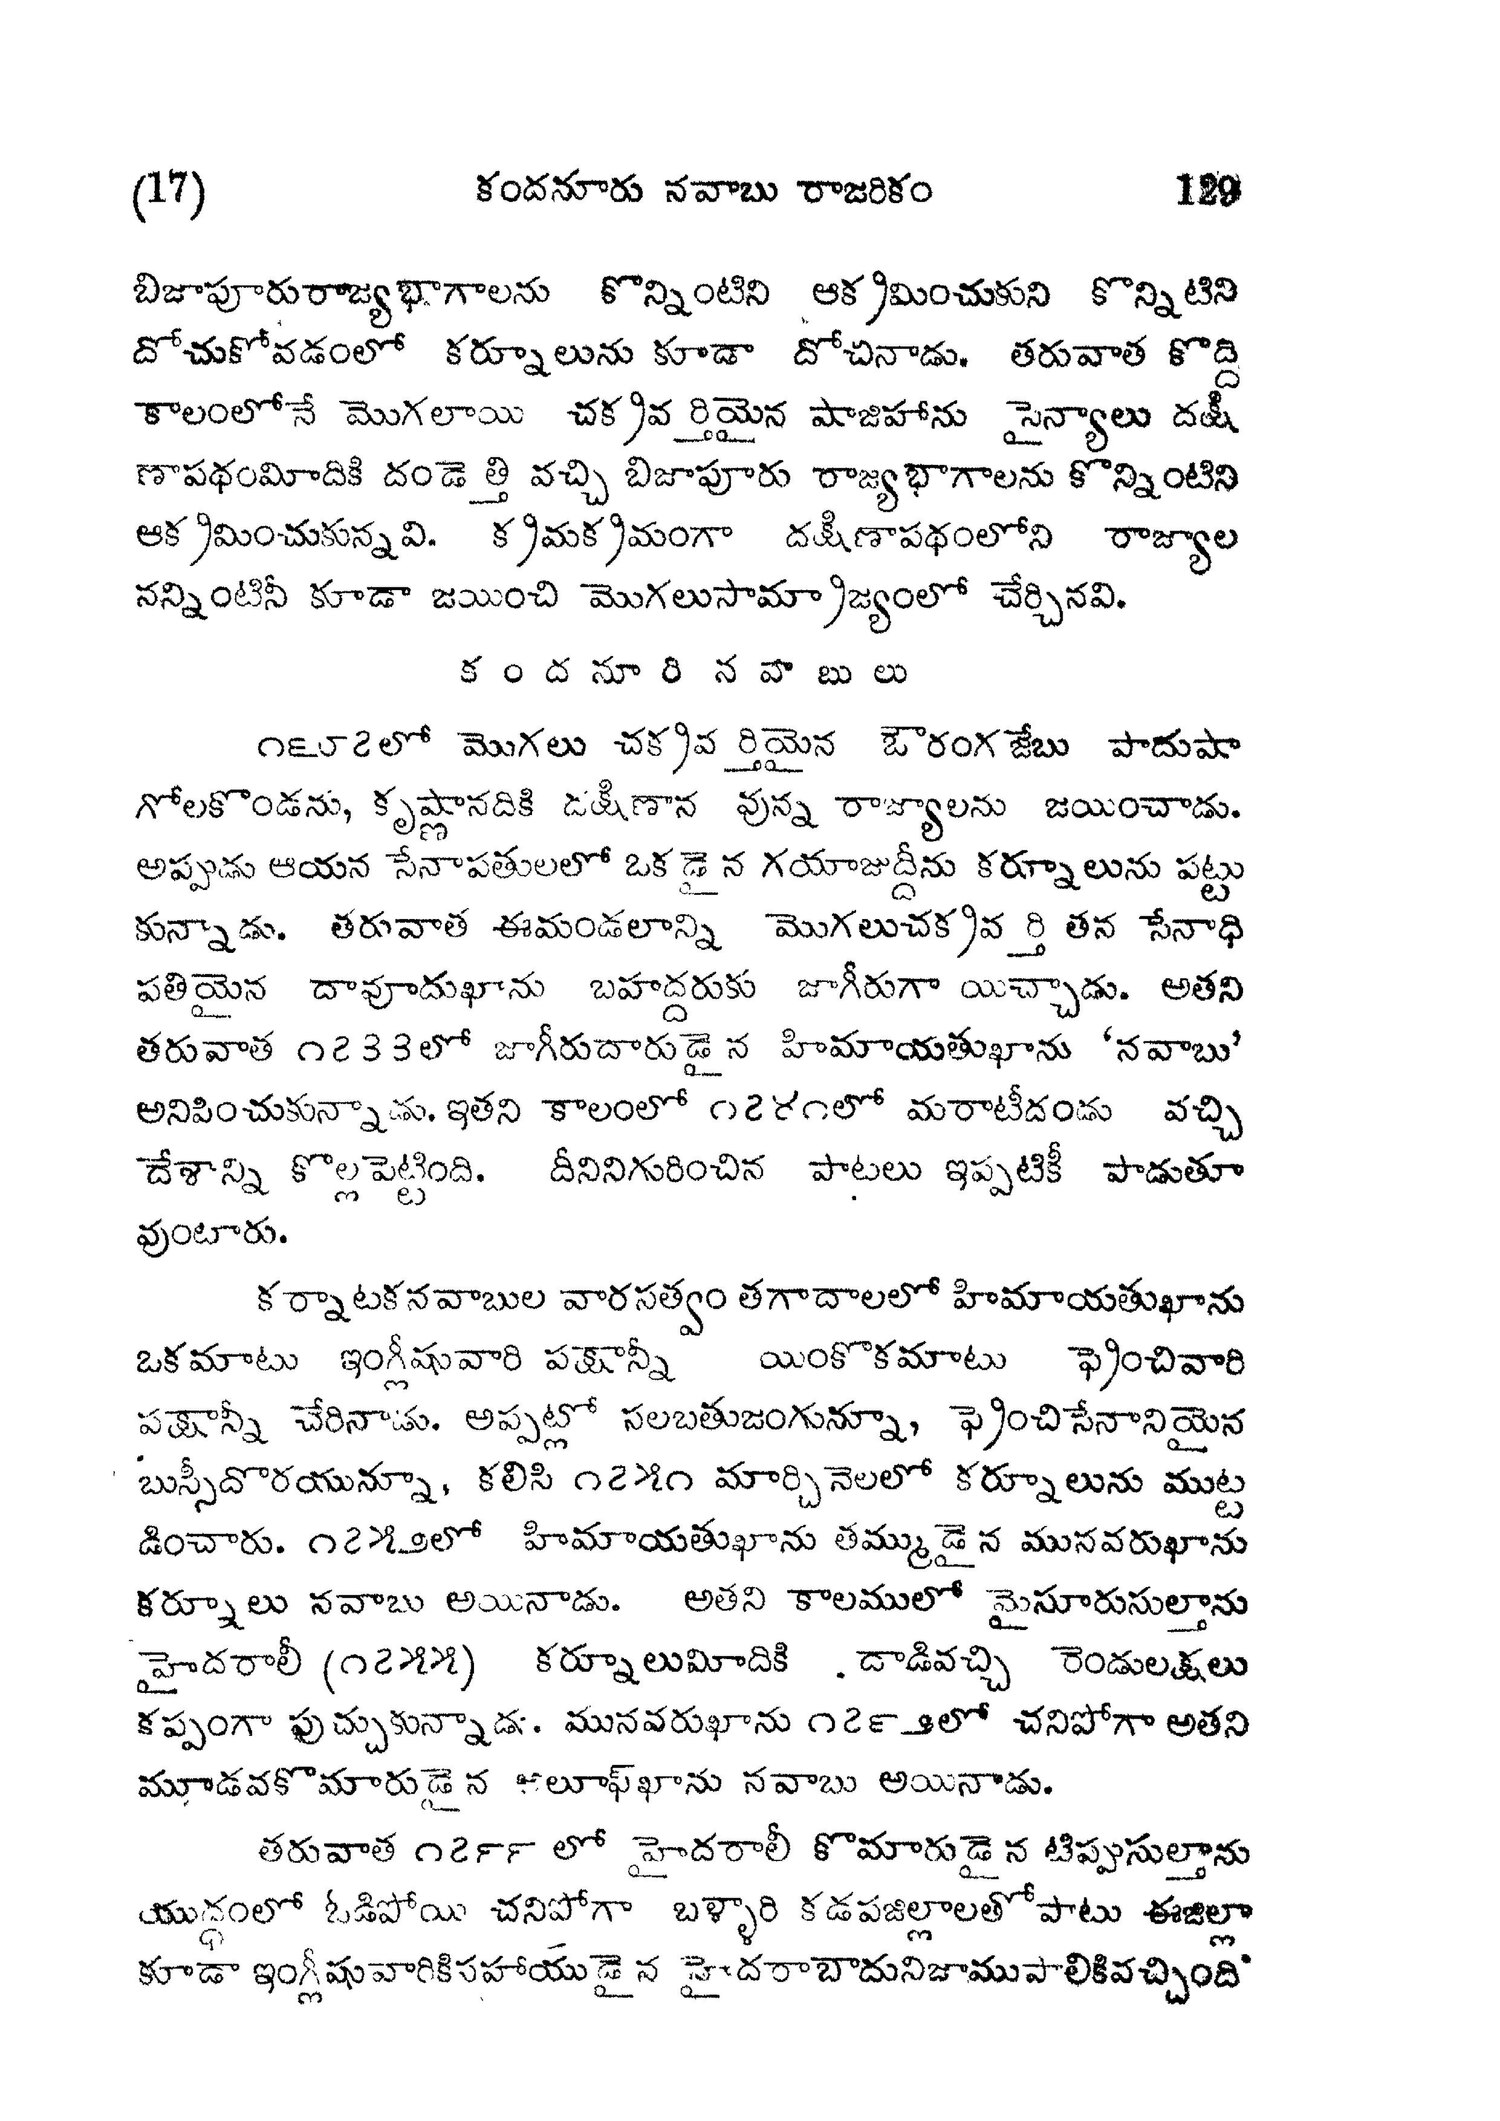బిజాపూరురాజ్యభాగాలను కొన్నింటిని ఆక్రమించుకుని కొన్నింటిని దోచుకోవడంలో కర్నూలును కూడా దోచినాడు. తరువాత కొద్ది కాలంలోనే మొగలాయి చక్రవర్తియైన షాజహాను సైన్యాలు దక్షిణాపధంమీదికి దండేత్తి వచ్చి బిజాపూరు రాజ్యభాగాలను కొన్నింటిని ఆక్రమించుకున్నవి. క్రమక్రమంగా దక్షిణా పధంలోని రాజ్యాల నన్నింటినీ కూడా జయించి మొగలుసామ్రాజ్యంలో చేర్చినవి.

1687 లో మొగలు చక్రవర్తియైన ఔరంగజేబు పాదుషా గోలకొండను, కృష్ణానదికి దక్షిణాన వున్న రాజ్యాలను జయించాడు. అప్పుడు ఆయన సేనాపతులలో ఒకడైన గయాజుద్దీను కర్నూలును పట్టుకున్నాడు. తరువాత ఈ మండలాన్ని మొగలుచక్రవర్తి తన సేనాధిపతియైన దావూదుఖాను బహద్దరుకు జాగీరుగా యిచ్చాడు. అతని తరువాత 1733 లో జాగీరుదారుడైన హిమాయతుఖాను 'నవాబు ' అనిపించుకున్నాడు, ఇతని కాలంలో 1741 లో మరాటీదండు వచ్చి దేశాన్ని కొల్లపెట్టింది. దీనినిగురించిన పాటలు ఇప్పటికీ పాడుతూ వుంటారు.

కర్ణాటకనవాబుల వారసత్వంతగాదాలలో హిమాయతుఖాను ఒకమాటు ఇంగ్లీషువారి పక్షాన్ని యింకొకమాటు ఫ్రెంచివారి పక్షాన్ని చేరినాడు. అప్పట్లో నలబతుజంగున్నూ, ఫ్రెంచిసేనానియైన బుస్సీదొరయున్నూ, కలిసి 1751 మార్చిలో కర్నూలును ముట్టడించారు. హిమాయతుఖాను తమ్ముడైన మునవరుఖాను కర్నూలు నవాబు అయినాడు. అతని కాలములో మైసూరుసుల్తాను హైదరాలీ (1755) కర్నూలుమీదకి దాడివచ్చి రెండులక్షలు కప్పంగా పుచ్చుకున్నాడు. మునవరుఖారు 1792 లో చనిపోగా అతని మూడవకొమారుడైన అలూఫ్ ఖాను నవాబు అయినాడు.

తరువాత 1799 లో హైదరాలీ కొమారుడైన టిప్పుసుల్తాను యుద్ధంలొ ఓడిపొయి చనిపోగా బళ్ళారి కడపజిల్లాలతోపాటు ఈజిల్లా కూడా ఇంగ్లీషువారికి సహాయుడైన హైదరాబాదు నిజాముపాలికివచ్చింది.